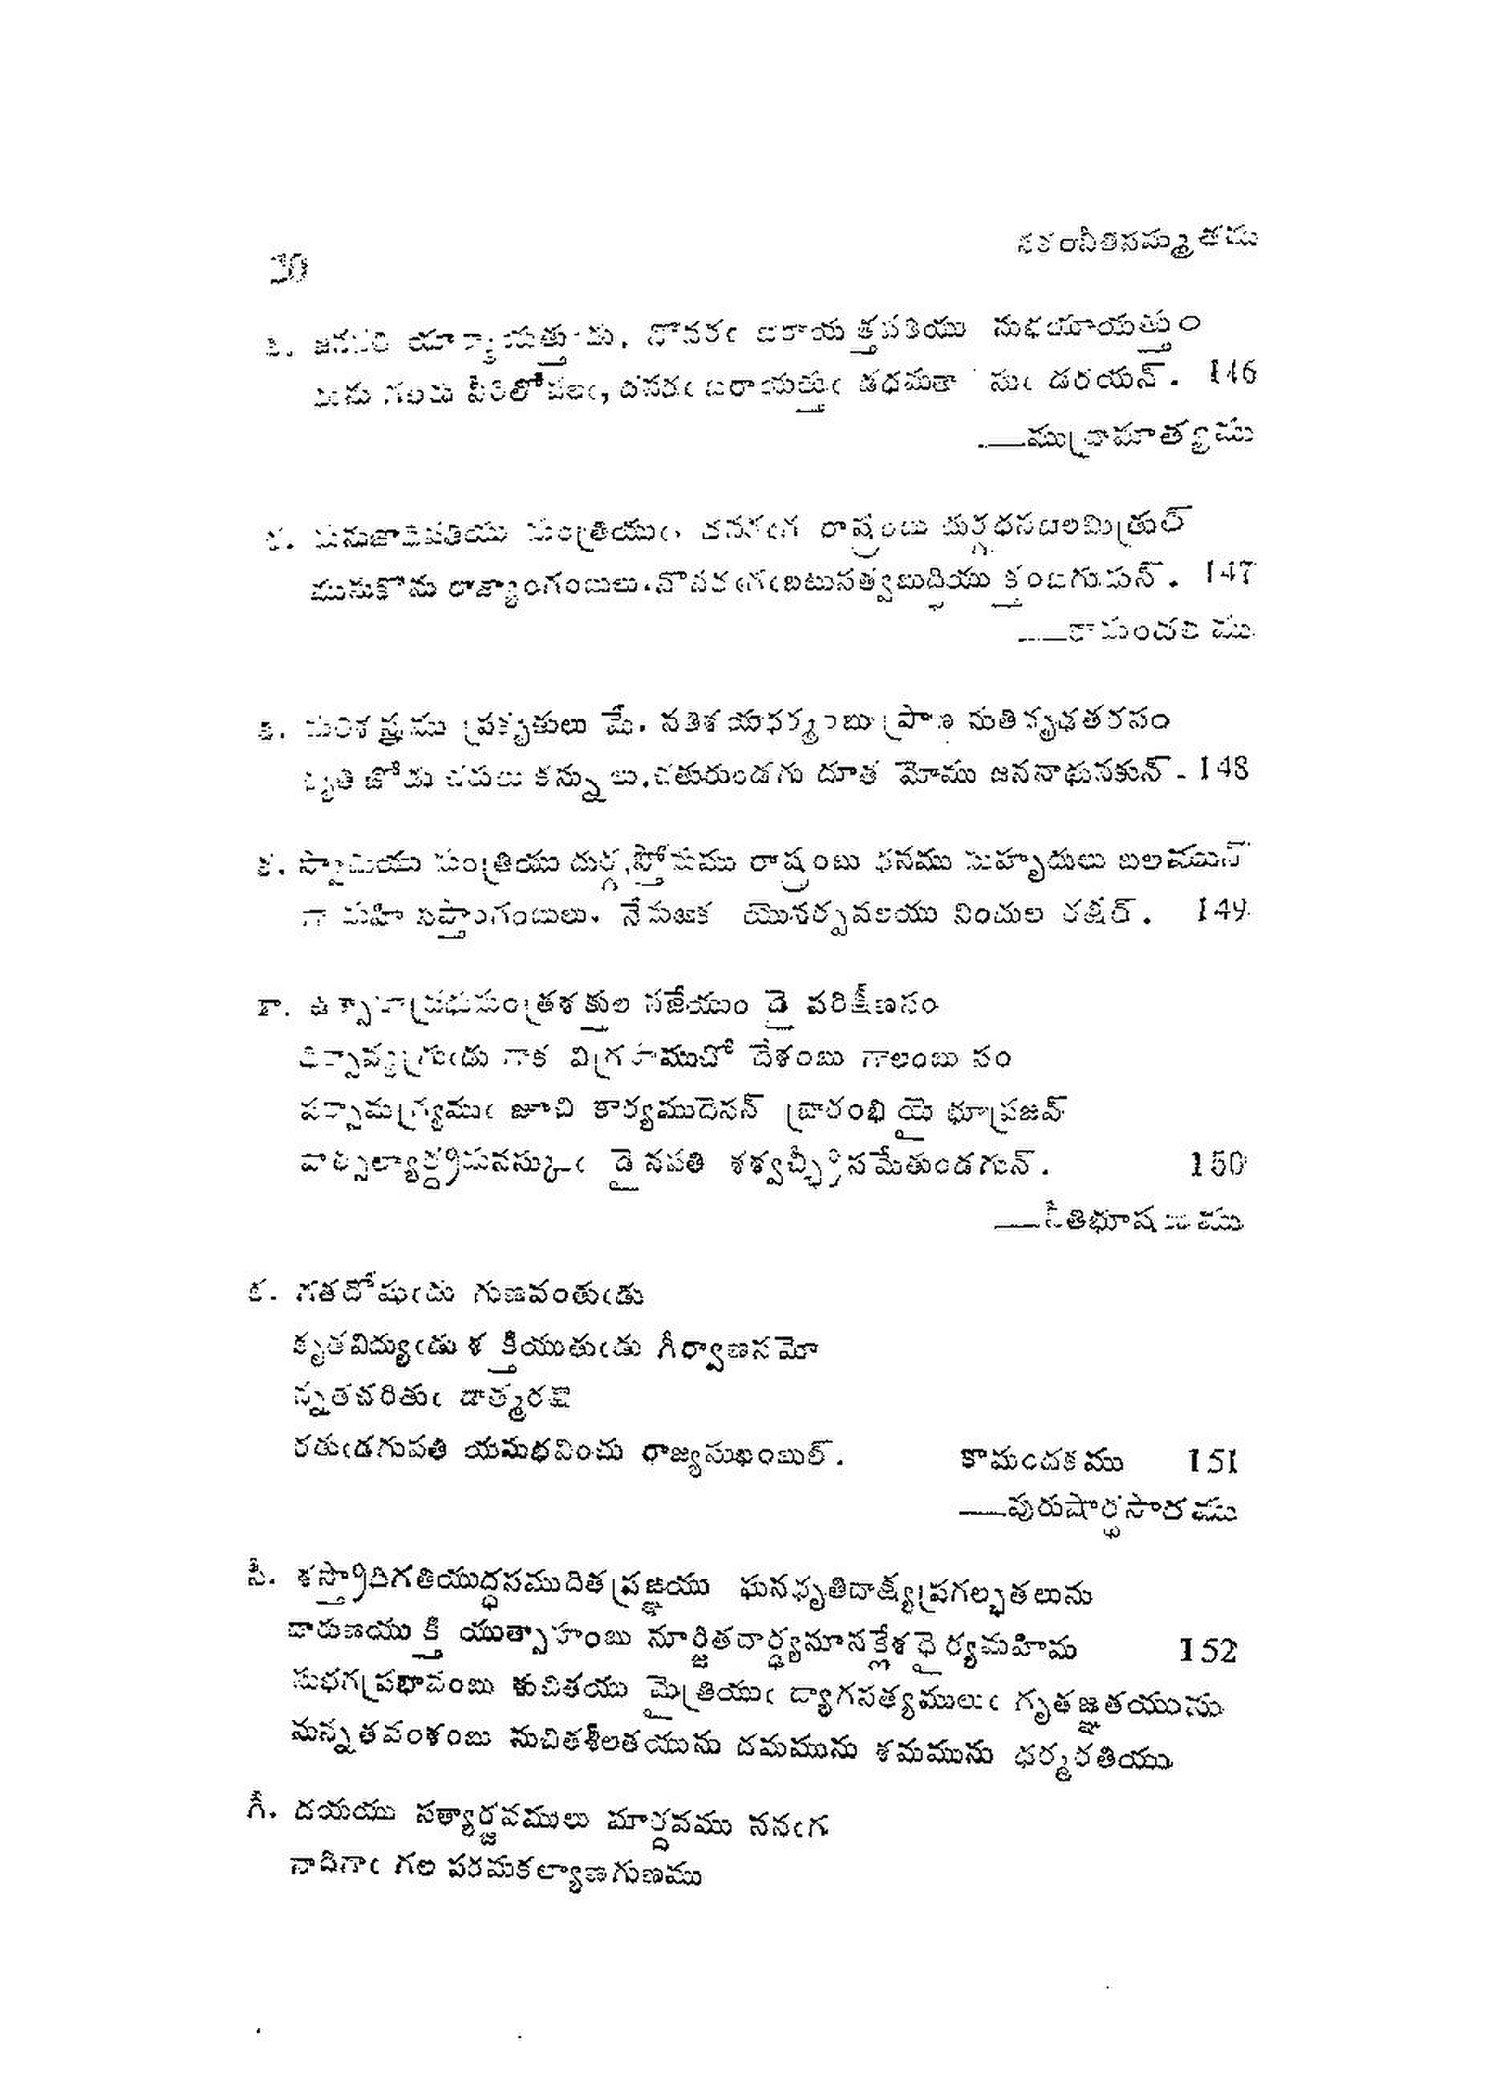క. జనపతి యాత్మాయత్తుఁడు
నొనరఁ బరాయత్తపతియు నుభయాయత్తుం
డును గలరు వీరిలోపలఁ
దనరఁ బరాయత్తుఁ డధమతామసుఁ డరయన్. 146

క. మనుజాధిపతియు మంత్రియుఁ
దనరఁగ రాష్ట్రంబు దుర్గధనబలమిత్రుల్
మునుకొను రాజ్యాంగంబులు
నొనరఁగఁ బటుసత్వబుద్ధియుక్తంబగుచున్. 147

క. మతిశస్త్రము ప్రకృతులు మే
నతిశయధర్మంబు ప్రాణ మతిదృఢతరసం
కృతి జోడు చరులు కన్నులు
చతురుండగు దూత మోము జననాథునకున్. 148

క. స్వామియు మంత్రియు దుర్గ
స్తోమము రాష్ట్రంబు ధనము సుహృదులు బలమున్
గా మహి సప్తాంగంబులు
నేమఱక యొనర్పవలయు నిందుల రక్షల్. 149

శా. ఉత్సాహప్రభుమంత్రశక్తుల నజేయుండై పరిక్షీణసం
ధత్సావ్యగ్రుఁడు గాక విగ్రహముచో దేశంబు గాలంబు సం
పత్సామగ్ర్యముఁ జూచి కార్యము దెసన్ బ్రారంభియై భూప్రజన్
వాత్సుల్యార్ద్రమనస్కుఁ డైన పతి శశ్వచ్ఛ్రీసమేతుం డగున్. 150

క. గతదోషుఁడు గుణవంతుఁడు
కృతవిద్యుఁడు శక్తియుతుఁడు గీర్వాణసమో
న్తచరితుఁ డాత్మరక్షా
రతుఁడగు పతి యనుభవించు రాజ్యసుఖంబుల్. 151

సీ. శస్త్రాదిగతియుద్ధసముదితప్రజ్ఞయు
ఘనధృతిదాక్ష్యప్రగల్భతలును
దారుణయుక్తి యుత్సాహంబు నూర్జిత
దార్ఢ్యమానక్లేశధైర్యమహిమ
సుభగప్రభావంబు శుచితయు మైత్రియుఁ
ద్యాగసత్యములుఁ గృతజ్ఞతయును
నున్నతవంశంబు నుచితశీలతయును
దమమును శమమును ధర్మరతియు
గీ. దయయు సత్యార్జవములు మార్దవము ననఁగ
నాదిగాఁ గల పరమకల్యాణగుణము